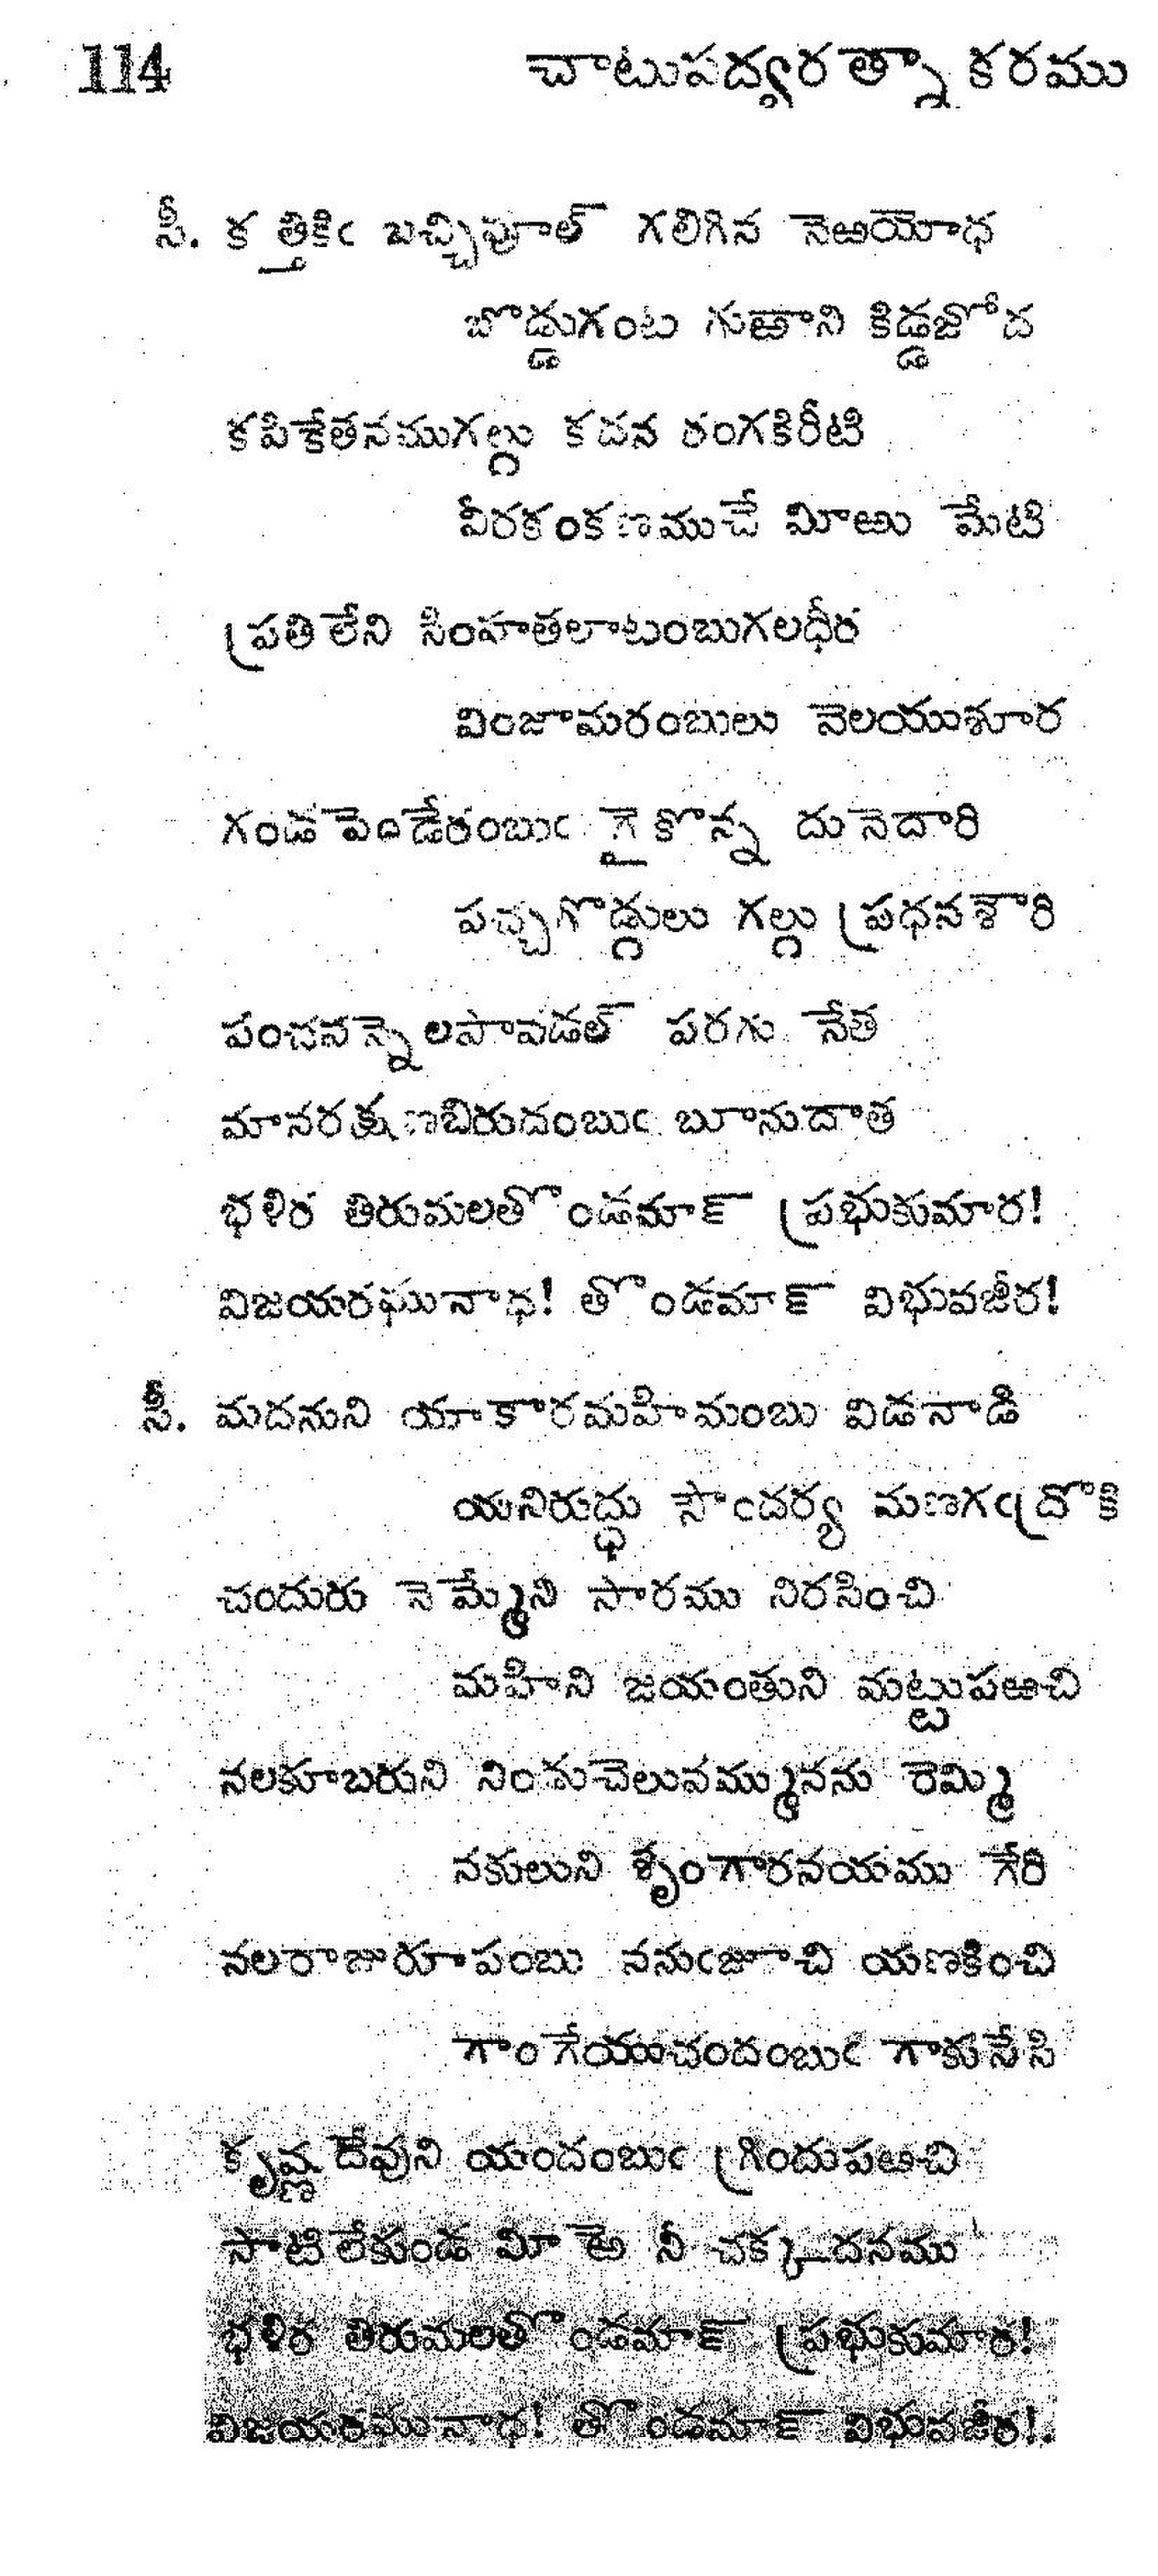సీ. కత్తికిఁ బచ్చిపూల్ గలిగిన నెఱయోధ
 బొడ్డుగంట గుఱాని కిడ్డజోత
 కపికేతనము గల్గు కదనరంగకిరీటి
 వీరకంకణముచే మీఱు మేటి
 ప్రతిలేని సింహతలాటంబు గల ధీర
 విజామరంబులు వెలయు శూర
 గండపెండేరంబుఁ గైకొన్న దునెదారి
 పచ్చగొడ్గులు గల్గు ప్రధనశౌరి
 పంచెవన్నెలపావడల్ పరగు నేత
 మానరక్షణబిరుదంబుఁ బూనుదాత
 భళిర! తిరుతొండమాన్ ప్రభుకుమార!
 విజయరఘునాథ! తొండమాన్ విభువజీర.

సీ. మదనుని యాకారమహిమంబు విడనాడి
 యనిరుద్ధు సౌందర్య మణగఁద్రొక్కి
 చందురు నెమ్మేని సారము నిరసించి
 మహిని జయంతుని మట్టుపఱచి
 నలకూబరుని నిండుచెలువమ్మునను రెమ్మి
 నకులుని శృంగారనయము గేరి
 నలరాజురూపంబు ననుఁజూచి యణకించి
 గాంగేయుచందంబుఁ గాకుసేసి
 కృష్ణదేవుని యందంబుఁ గ్రిందుపఱచి
 సాటిలేకుండ మీఱె నీ చక్కదనము
 భళిర! తిరుతొండమాన్ ప్రభుకుమార!
 విజయరఘునాథ! తొండమాన్ విభువజీర.